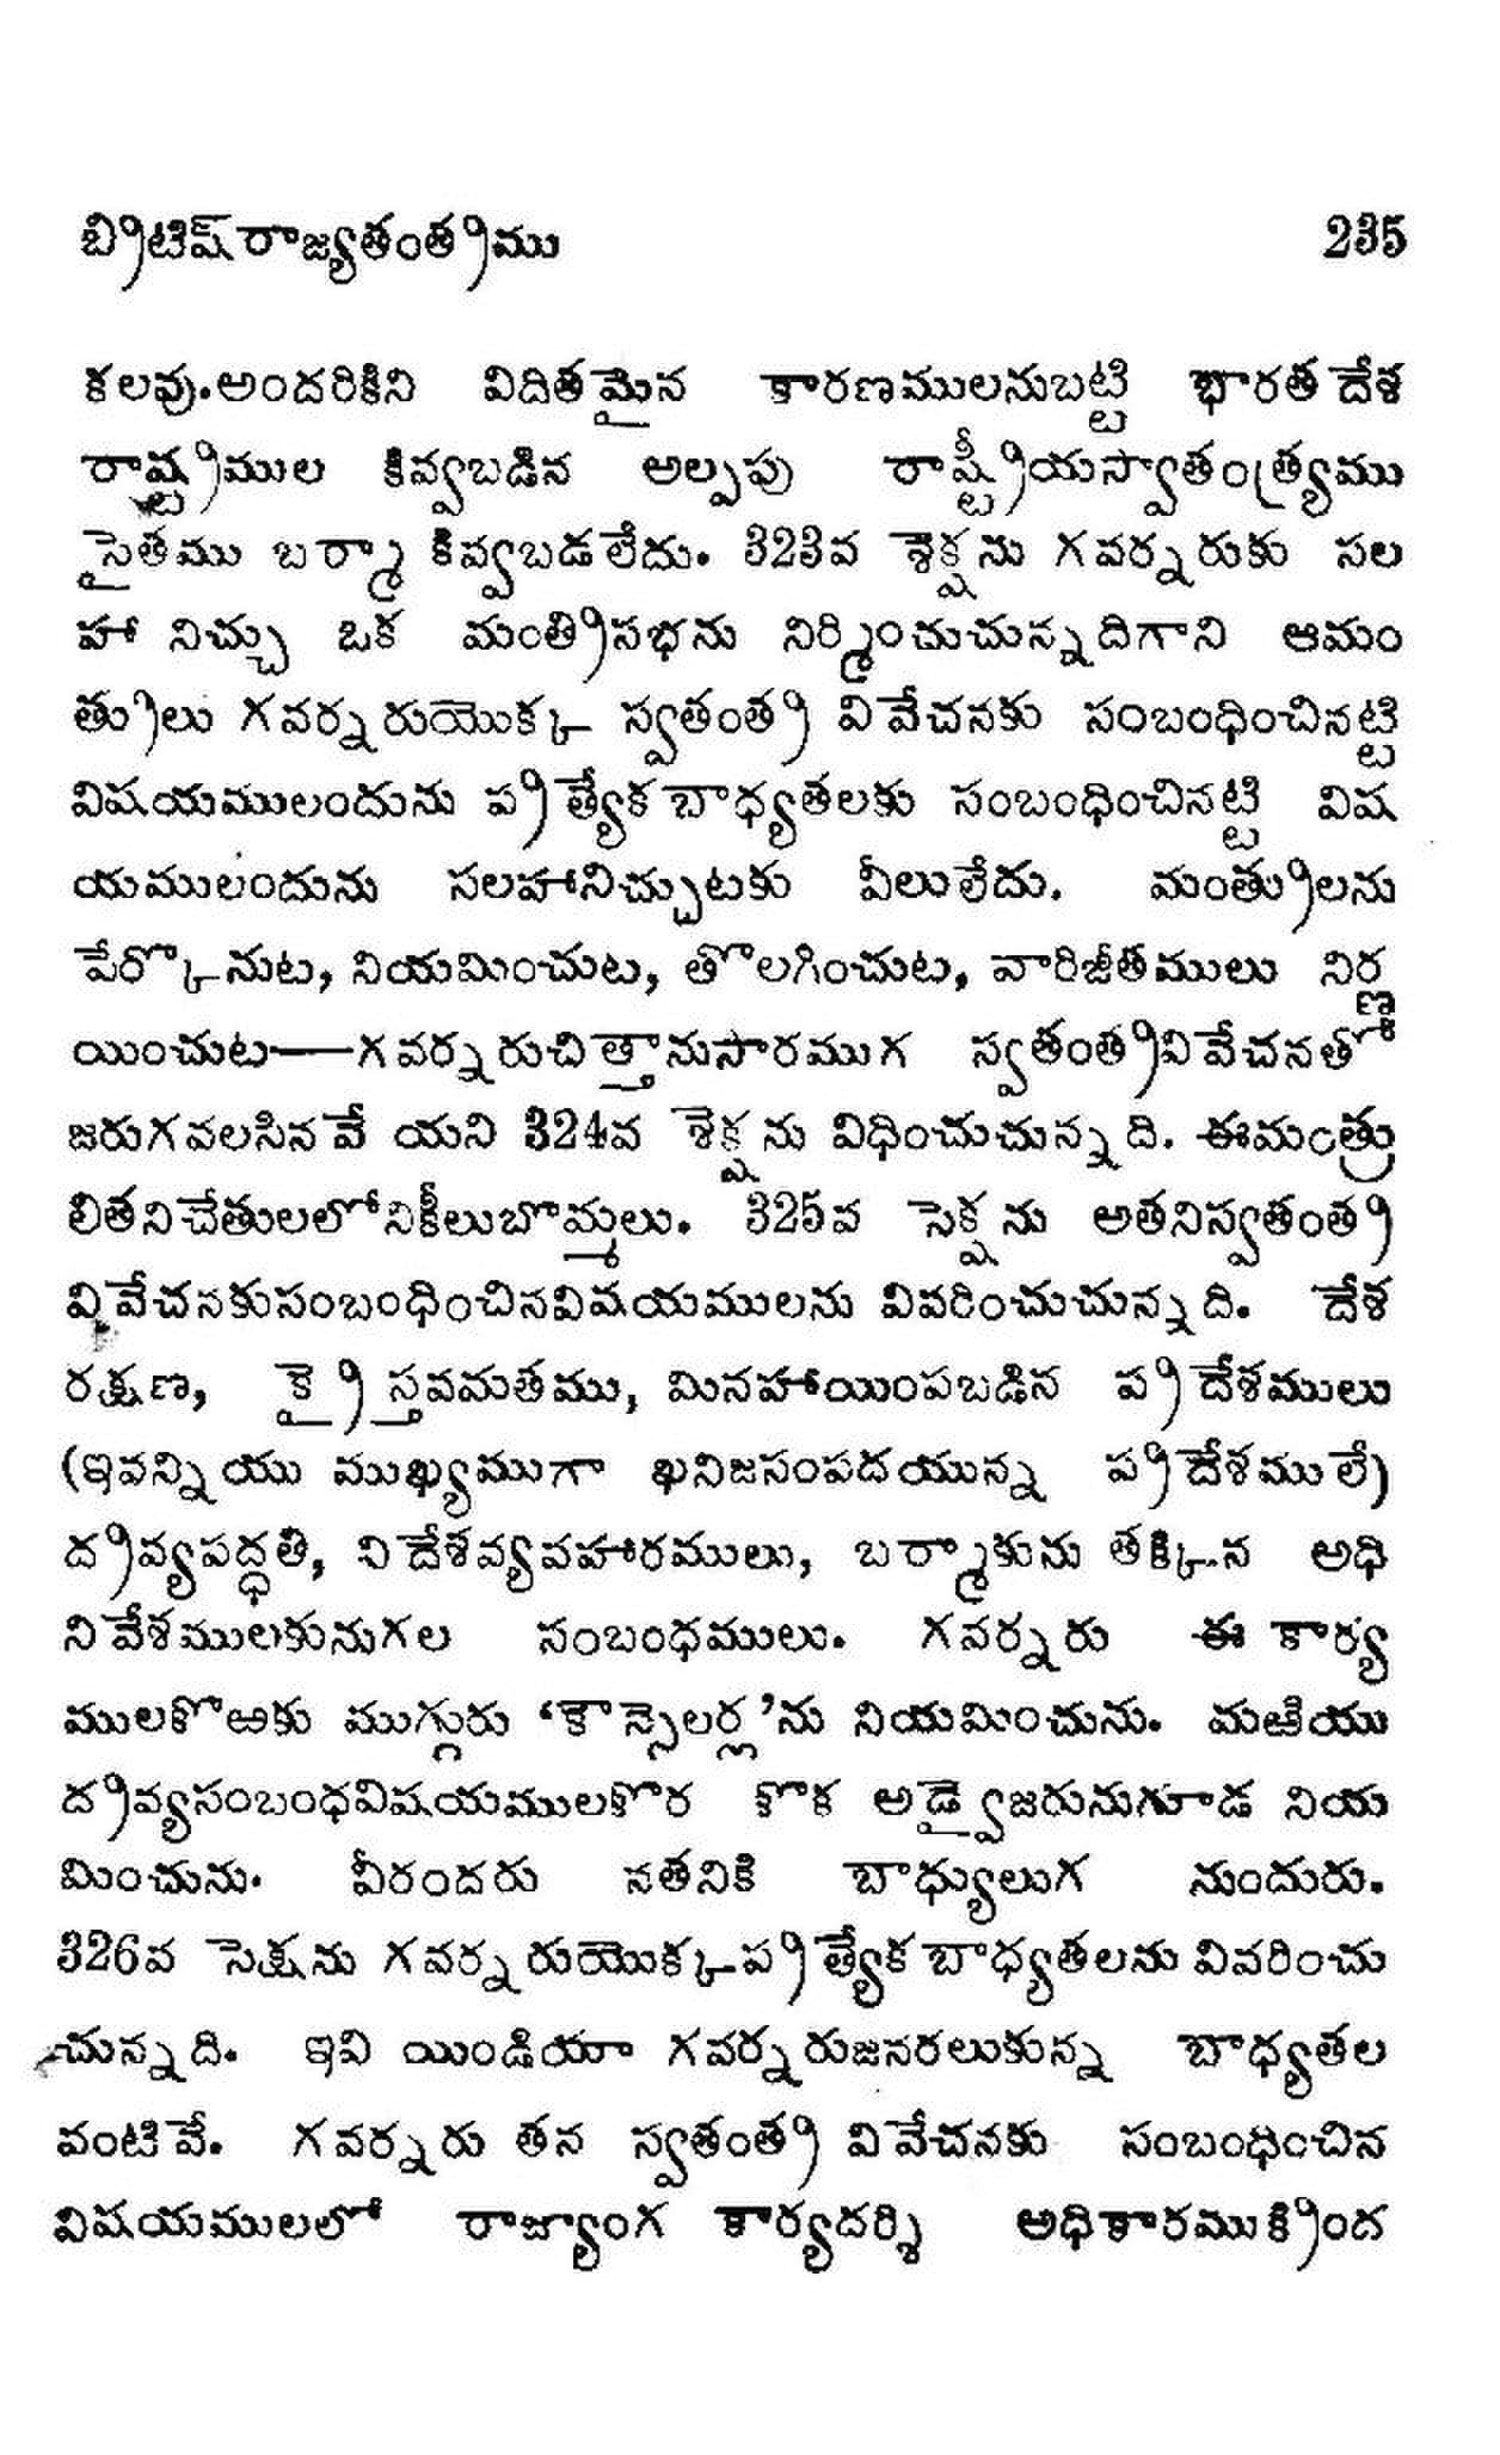కలవు. అందరికిని విదితమైన కారణములనుబట్టి భారతదేశ రాష్ట్రముల కివ్వబడిన అల్పపు రాష్ట్రీయస్వాతంత్ర్యము సైతము బర్మా కివ్వబడలేదు. 323వ శెక్షను గవర్నరుకు సలహా నిచ్చు ఒక మంత్రిసభను నిర్మించుచున్నదిగాని ఆమంత్రులు గవర్నరుయొక్క స్వతంత్ర వివేచనకు సంబంధించినట్టి విషయములందును ప్రత్యేకబాధ్యతలకు సంబంధించినట్టి విషయములందును సలహానిచ్చుటకు వీలులేదు. మంత్రులను పేర్కొనుట, నియమించుట, తొలగించుట, వారిజీతములు నిర్ణయించుట - గవర్నరుచిత్తానుసారముగ స్వతంత్రవివేచనతో జరుగవలసినవే యని 324వ శెక్షను విధించుచున్నది. ఈమంత్రు లితనిచేతులలోనికీలుబొమ్మలు. 325వ సెక్షను అతనిస్వతంత్ర వివేచనకు సంబంధించినవిషయములను వివరించుచున్నది. దేశరక్షణ, క్రైస్తవమతము, మినహాయింపబడిన ప్రదేశములు (ఇవన్నియు ముఖ్యముగా ఖనిజసంపదయున్న ప్రదేశములే) ద్రవ్యపద్ధతి, విదేశవ్యవహారములు, బర్మాకును తక్కిన అధినివేశములకునుగల సంబంధములు. గవర్నరు ఈ కార్యములకొఱకు ముగ్గురు 'కౌన్సెలర్ల'ను నియమించును. మఱియు ద్రవ్యసంబంధవిషయములకొర కొక అడ్వైజరునుగూడ నియమించును. వీరందరు నతనికి బాధ్యులుగ నుందురు. 326వ సెక్షను గవర్నరుయొక్క ప్రత్యేకబాధ్యతలను వివరించుచున్నది. ఇవి యిండియా గవర్నరుజనరలుకున్న బాధ్యతల వంటివే. గవర్నరు తన స్వతంత్ర వివేచనకు సంబంధించిన విషయములలో రాజ్యాంగ కార్యదర్శి అధికారముక్రింద